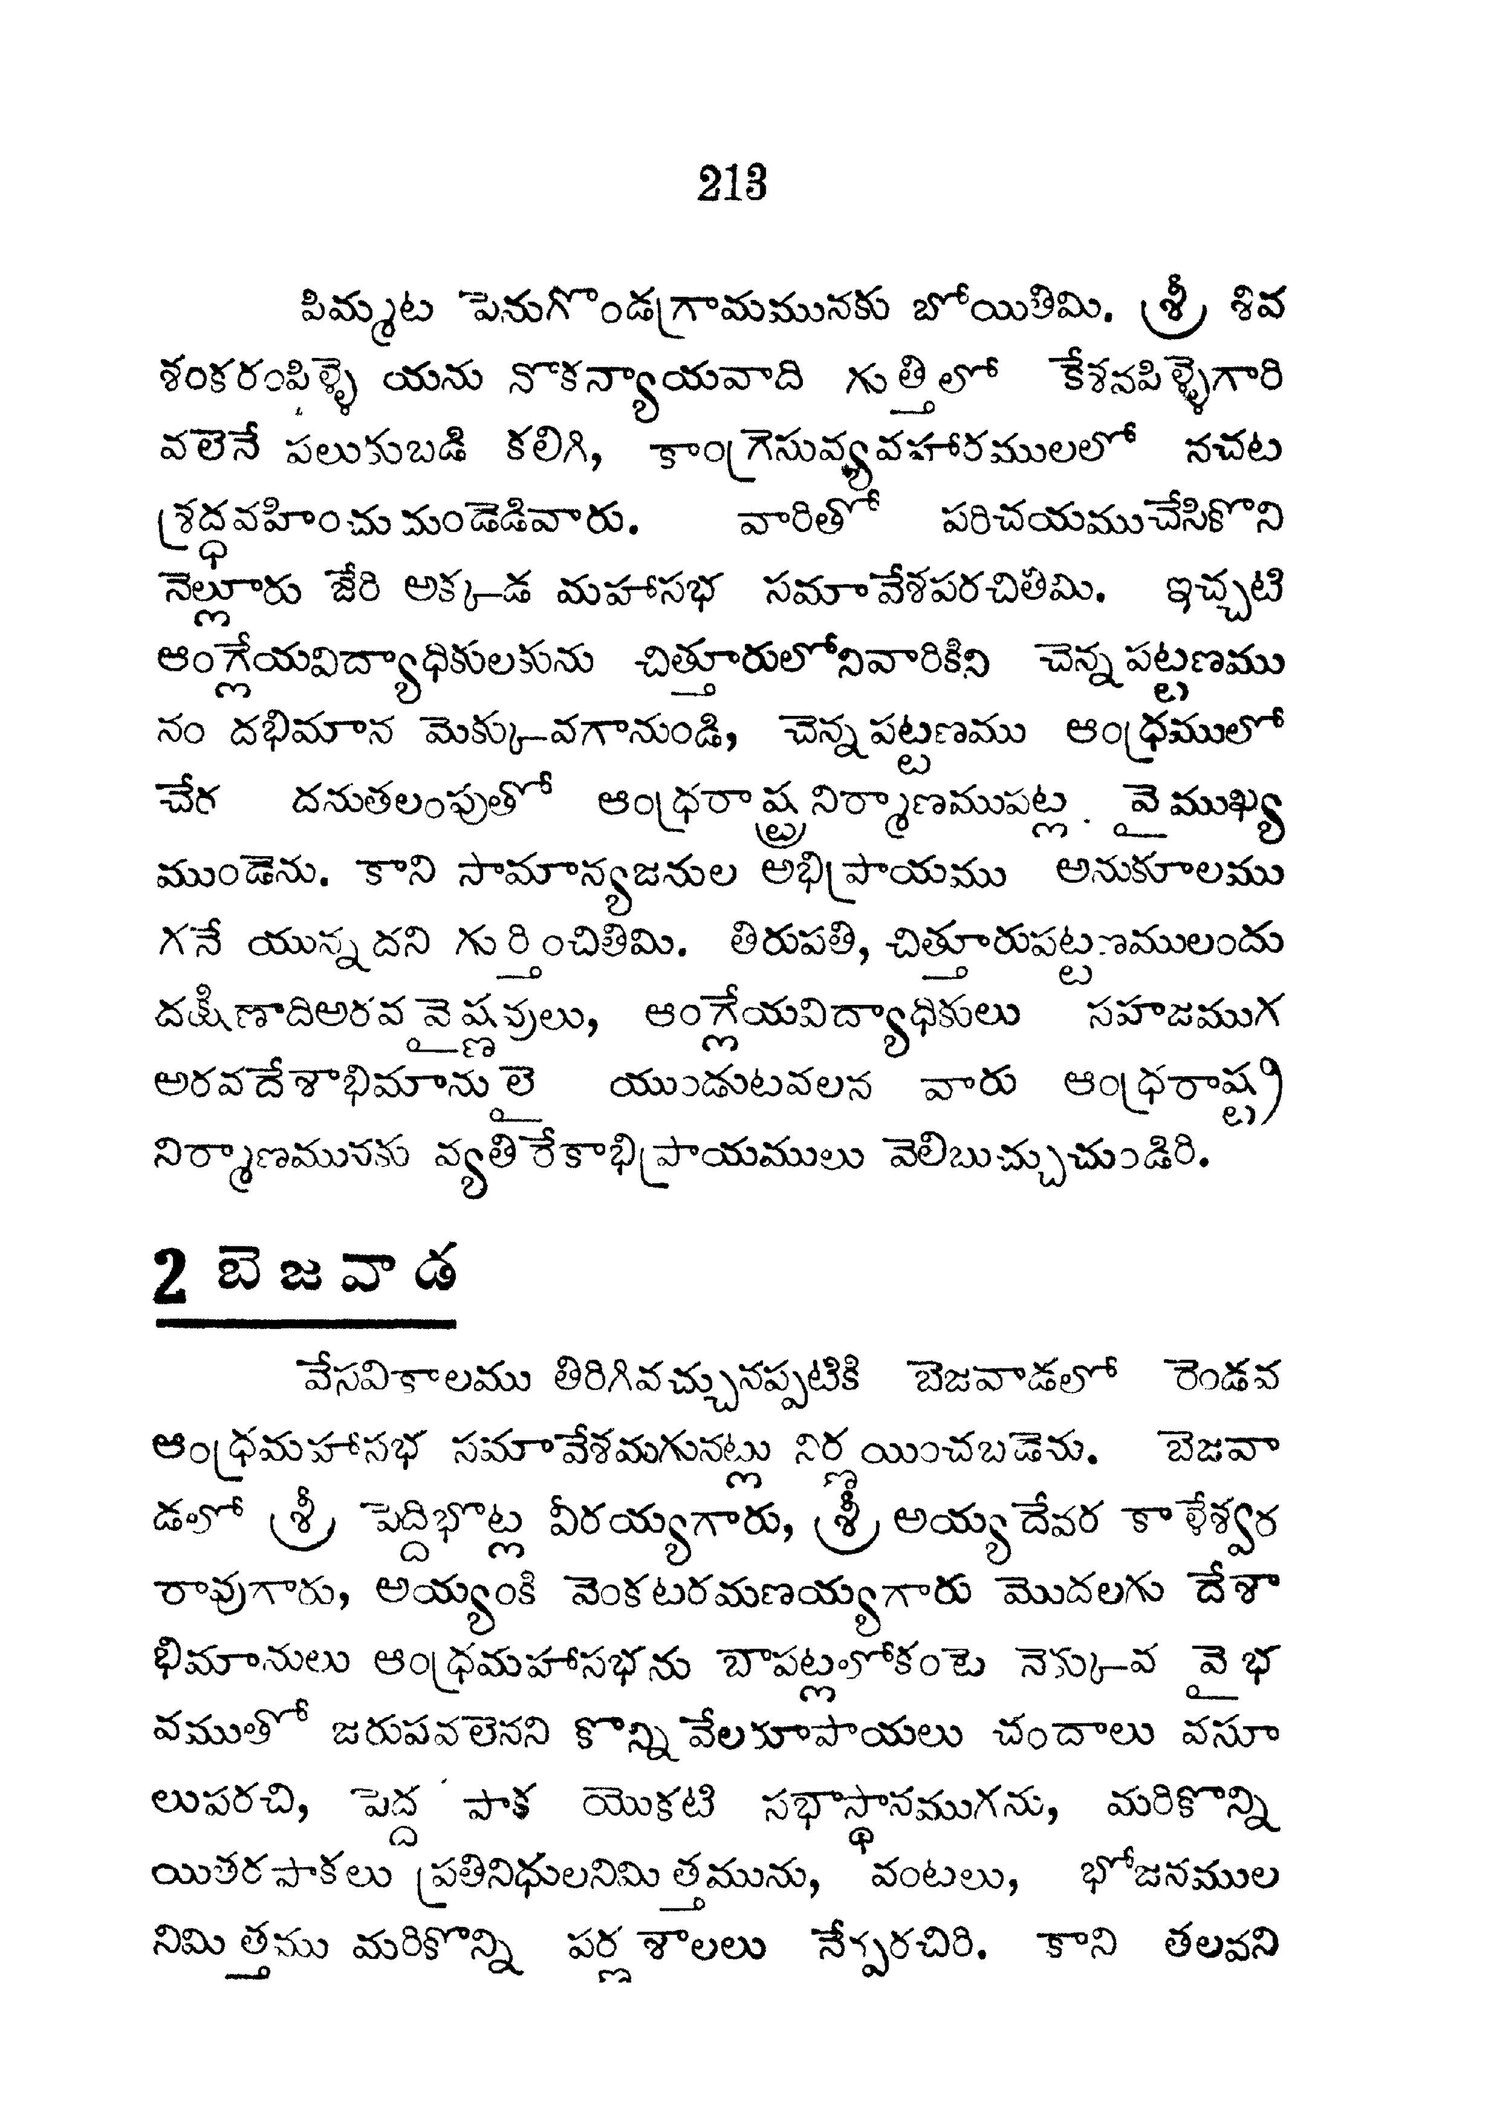పిమ్మట పెనుగొండగ్రామమునకు బోయితిమి. శ్రీ శివశంకరపిళ్ళె యను నొకన్యాయవాది గుత్తిలో కేశవపిళ్ళెగారి వలెనే పలుకుబడి కలిగి, కాంగ్రెసువ్యవహారములలో నచట శ్రద్ధవహించుచుండెడివారు. వారితో పరిచయముచేసికొని నెల్లూరు జేరి అక్కడ మహాసభ సమావేశపరచితిమి. ఇచ్చటి ఆంగ్లేయవిద్యాధికులకును చిత్తూరులోనివారికిని చెన్నపట్టణమునం దభిమాన మెక్కువగానుండి, చెన్నపట్టణము ఆంధ్రములో చేర దనుతలంపుతో ఆంధ్రరాష్ట్రనిర్మాణముపట్ల వైముఖ్యముండెను. కాని సామాన్యజనుల అభిప్రాయము అనుకూలముగనే యున్నదని గుర్తించితిమి. తిరుపతి, చిత్తూరుపట్టణములందు దక్షిణాదిఅరవవైష్ణవులు, ఆంగ్లేయవిద్యాధికులు సహజముగ అరవదేశాభిమానులై యుండుటవలన వారు ఆంధ్రరాష్ట్ర నిర్మాణమునకు వ్యతిరేకాభిప్రాయములు వెలిబుచ్చుచుండిరి.

వేసవికాలము తిరిగివచ్చునప్పటికి బెజవాడలో రెండవ ఆంధ్రమహాసభ సమావేశమగునట్లు నిర్ణయించబడెను. బెజవాడలో శ్రీ పెద్దిబొట్ల వీరయ్యగారు, శ్రీఅయ్యదేవర కాళేశ్వరరావుగారు, అయ్యంకి వెంకటరమణయ్యగారు మొదలగు దేశాభిమానులు ఆంధ్రమహాసభను బాపట్లలోకంటె నెక్కువ వైభవముతో జరుపవలెనని కొన్నివేలరూపాయలు చందాలు వసూలుపరచి, పెద్ద పాక యొకటి సభాస్థానముగను, మరికొన్ని యితరపాకలు ప్రతినిధులనిమిత్తమును, వంటలు, భోజనముల నిమిత్తము మరికొన్ని పర్ణశాలలు నేర్పరచిరి. కాని తలవని